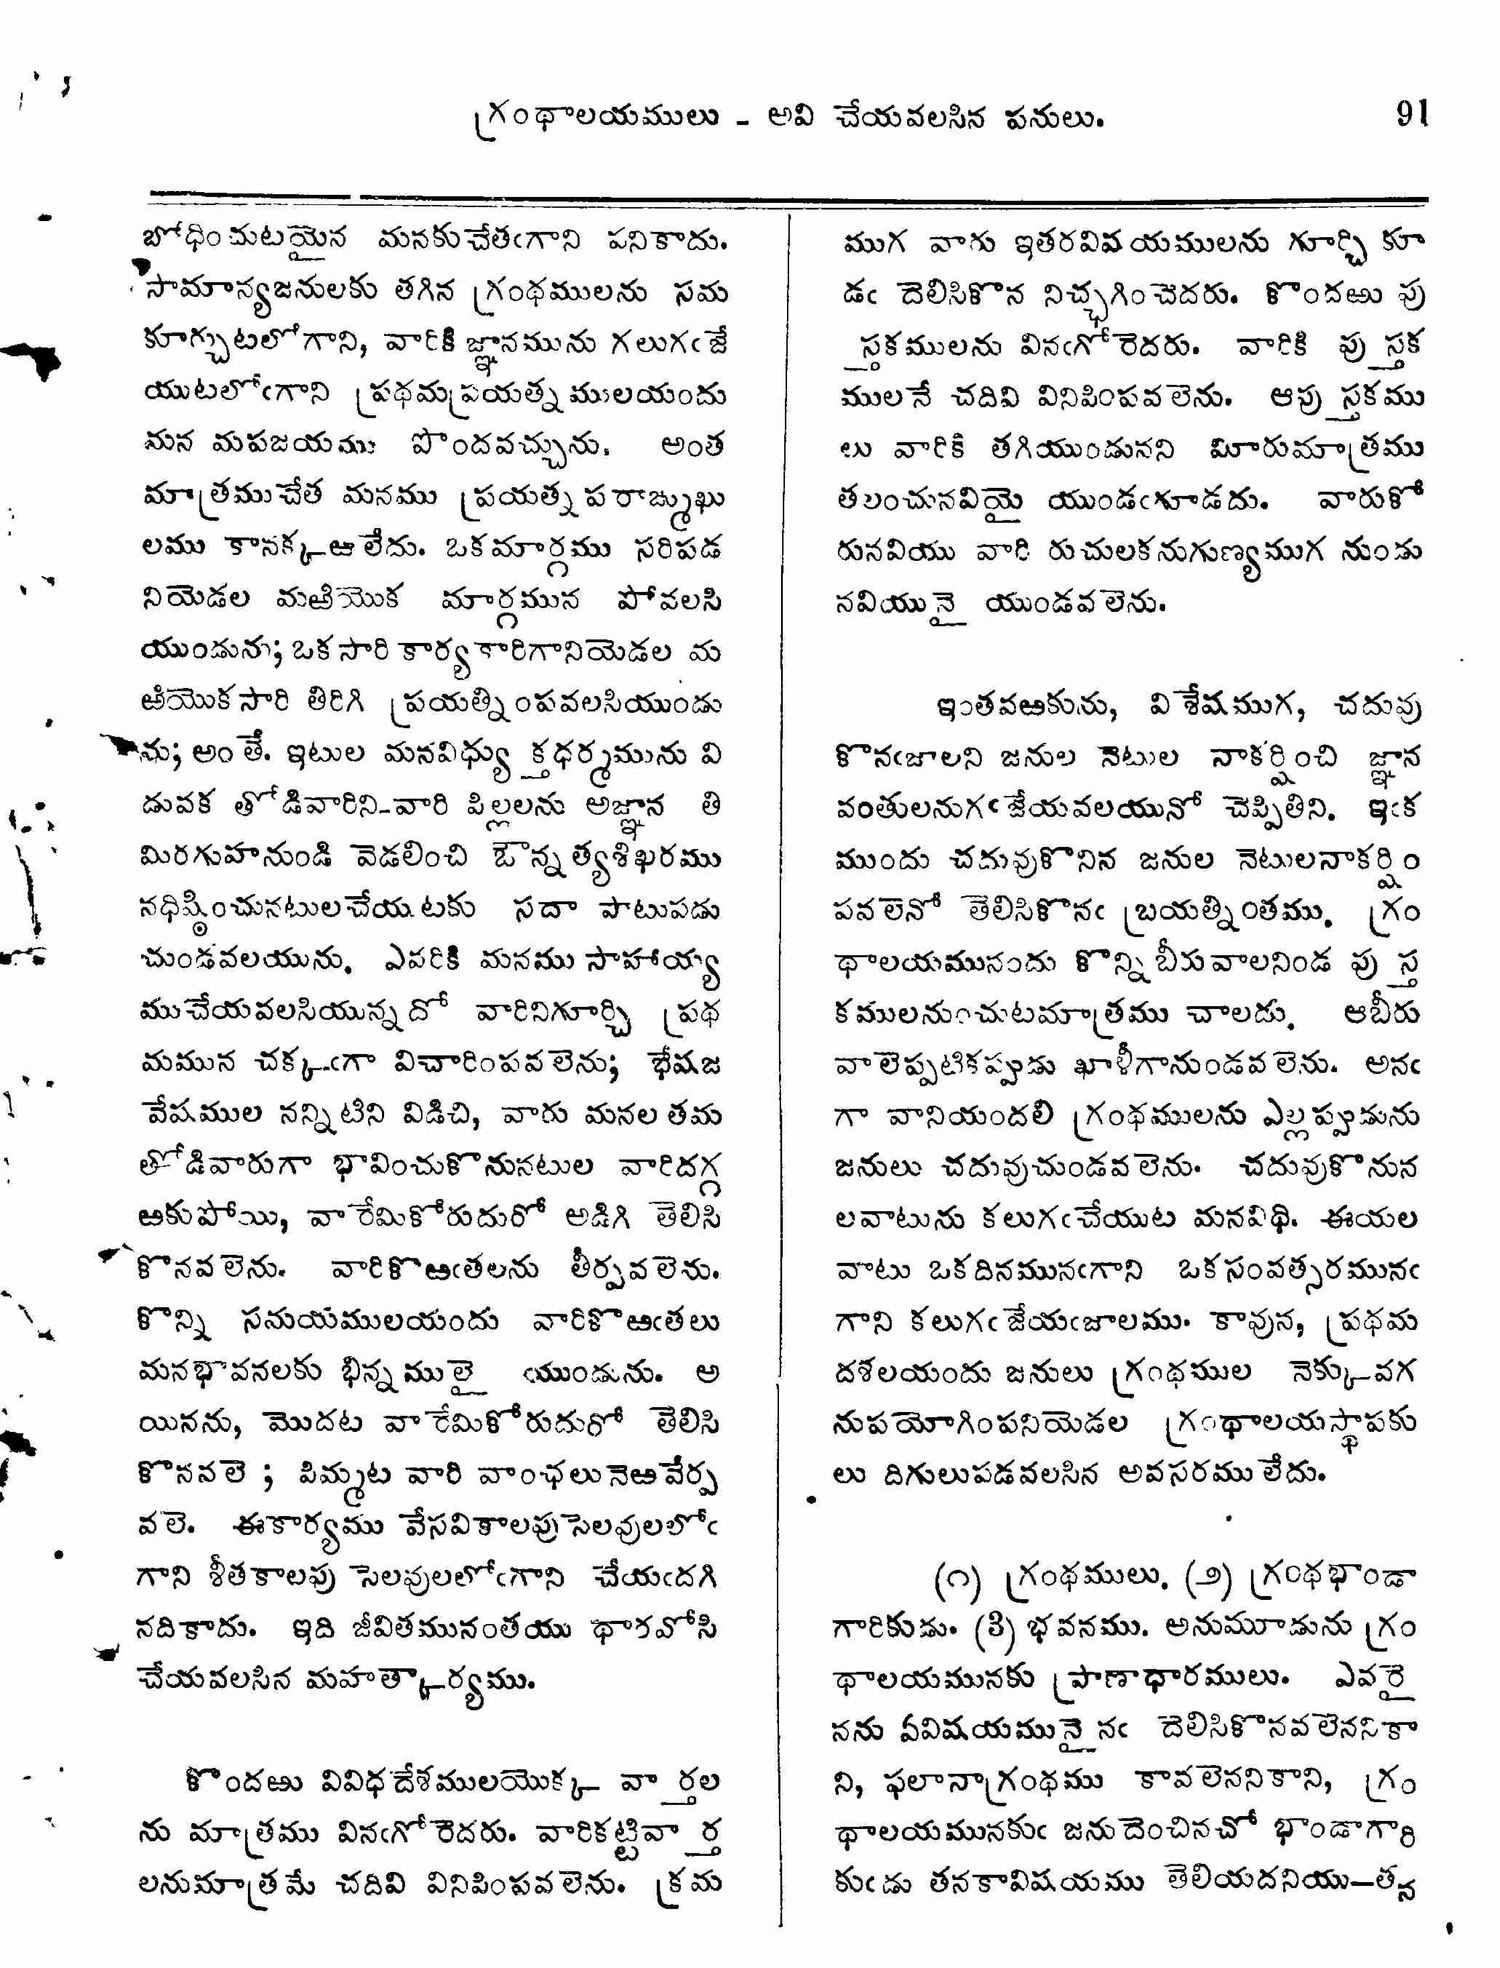బోధించుటయైన మనకు చేతఁగాని పనికాదు.
సామాన్యజనులకు తగిన గ్రంథములను సమకూర్చుటలోగాని, వారికి జ్ఞానమును గలుగఁజేయుటలోఁగాని ప్రథమ ప్రయత్నములయందు
మనమపజయము పొందవచ్చును. అంత
మాత్రముచేత మనము ప్రయత్న పరాఙ్ముఖులము కానక్కఱలేదు. ఒక మార్గము సరిపడ
నియెడల మఱియొక మార్గమున పోవలసి
యుండును; ఒకసారి కార్యకారిగానియెడల మఱియొకసారి తిరిగి ప్రయత్నింపవలసియుండు
"ను; అంతే. ఇటుల మనవిధ్యుక్తధర్మమును విడువక తోడివారిని వారి పిల్లలను అజ్ఞాన తిమిర గుహ నుండి వెడలించి ఔన్నత్యశిఖరము
నధిష్ఠించునటుల చేయ టకు సదా పాటుపడు
చుండవలయును. ఎవరికి మనము సాహాయ్యము చేయవలసియున్నదో వారిని గూర్చి ప్రథమమున చక్కఁగా విచారింపవలెను; భేషజ వేషముల నన్నిటిని విడిచి, వారు మనల తమ
తోడివారుగా భావించుకొనునటుల వారిదగ్గఱకుపోయి, వారేమికోరుదురో అడిగి తెలిసి
కొనవలెను. వారి కొఱఁతలను తీర్పవలెను.
కొన్ని సమయములయందు వారి అఁతలు
మన భావనలకు భిన్నములై యుండును.
యినను, మొదట వారేమి కోరుదురో తెలిసి
కొనవలె; పిమ్మట వారి వాంఛలు నెఱవేర్పవలె. ఈ కార్యము వేసవికాలపు సెలవులలోఁ
గాని శీతకాలపు సెలవులలోఁ గాని చేయఁదగి౽౽నది కాదు. ఇది జీవితమునంతయు ధారవోసి
చేయవలసిన మహత్కార్యము.

కొందఱు వివిధ దేశముల యొక్క వార్తల
ను మాత్రము వినఁగోరెదరు. వారికట్టి వార్తలనుమాత్రమే చదివి వినిపింపవలెను. క్రమముగ వారు ఇతరవిషయములను గూర్చి కూడఁ దెలిసికొన నిచ్చగించెదరు. కొందఱు పుస్తకములను వినఁగోరెదరు. వారికి పుస్తకములనే చదివి వినిపింపవలెను. ఆపుస్తకములు వారికి తగియుండునని మీరుమాత్రము
తలంచునవియై యుండఁగూడదు. వారుకోరునవియు వారి రుచులకనుగుణ్యముగ నుండునవియునై యుండవలెను.

ఇంతవఱకును, విశేషముగ, చదువు
కొనఁజాలని జనుల నెటుల నాకర్షించి జ్ఞానవంతులనుగఁ జేయవలయునో చెప్పితిని. ఇక
ముందు చదువుకొనిన జనులనెటుల నాకర్షింపవలెనో తెలిసికొనఁ బ్రయత్నింతము. గ్రంథాలయమునందు కొన్ని బీరువాలనిండ వుస్తకములనుంచుటమాత్రము చాలదు. ఆబీరువాలెప్పటికప్పుడు ఖాళీగా నుండవలెను. అనఁగా వానియందలి గ్రంథములను ఎల్లప్పుడును
జనులు చదువుచుండవలెను. చదువుకొనునలవాటును కలుగఁచేయుట మనవిధి. ఈయలవాటు ఒక దినమునఁగాని ఒక సంవత్సరమునఁ గాని కలుగఁ జేయఁజాలము. కావున, ప్రథమ దశల యందు జనులు గ్రంథముల నెక్కువగనుపయోగింపనియెడల గ్రంథాలయస్థాపకులు దిగులు పడవలసిన అవసరము లేదు.

(౧) గ్రంథములు. (౨) గ్రంథ భాండాగారికుడు.(3) భవనము. అనుమూడును గ్రంథాలయమునకు ప్రాణాధారములు. ఎవరైనను ఏవిషయమునైనఁ దెలిసికొనవలెనని కానీ, ఫలానాగ్రంథము కావలెనని కాని, గ్రంథాలయమునకుఁ జనుదెంచినచో భాండాగారికుఁడు తనకా విషయము తెలియదనియు తన